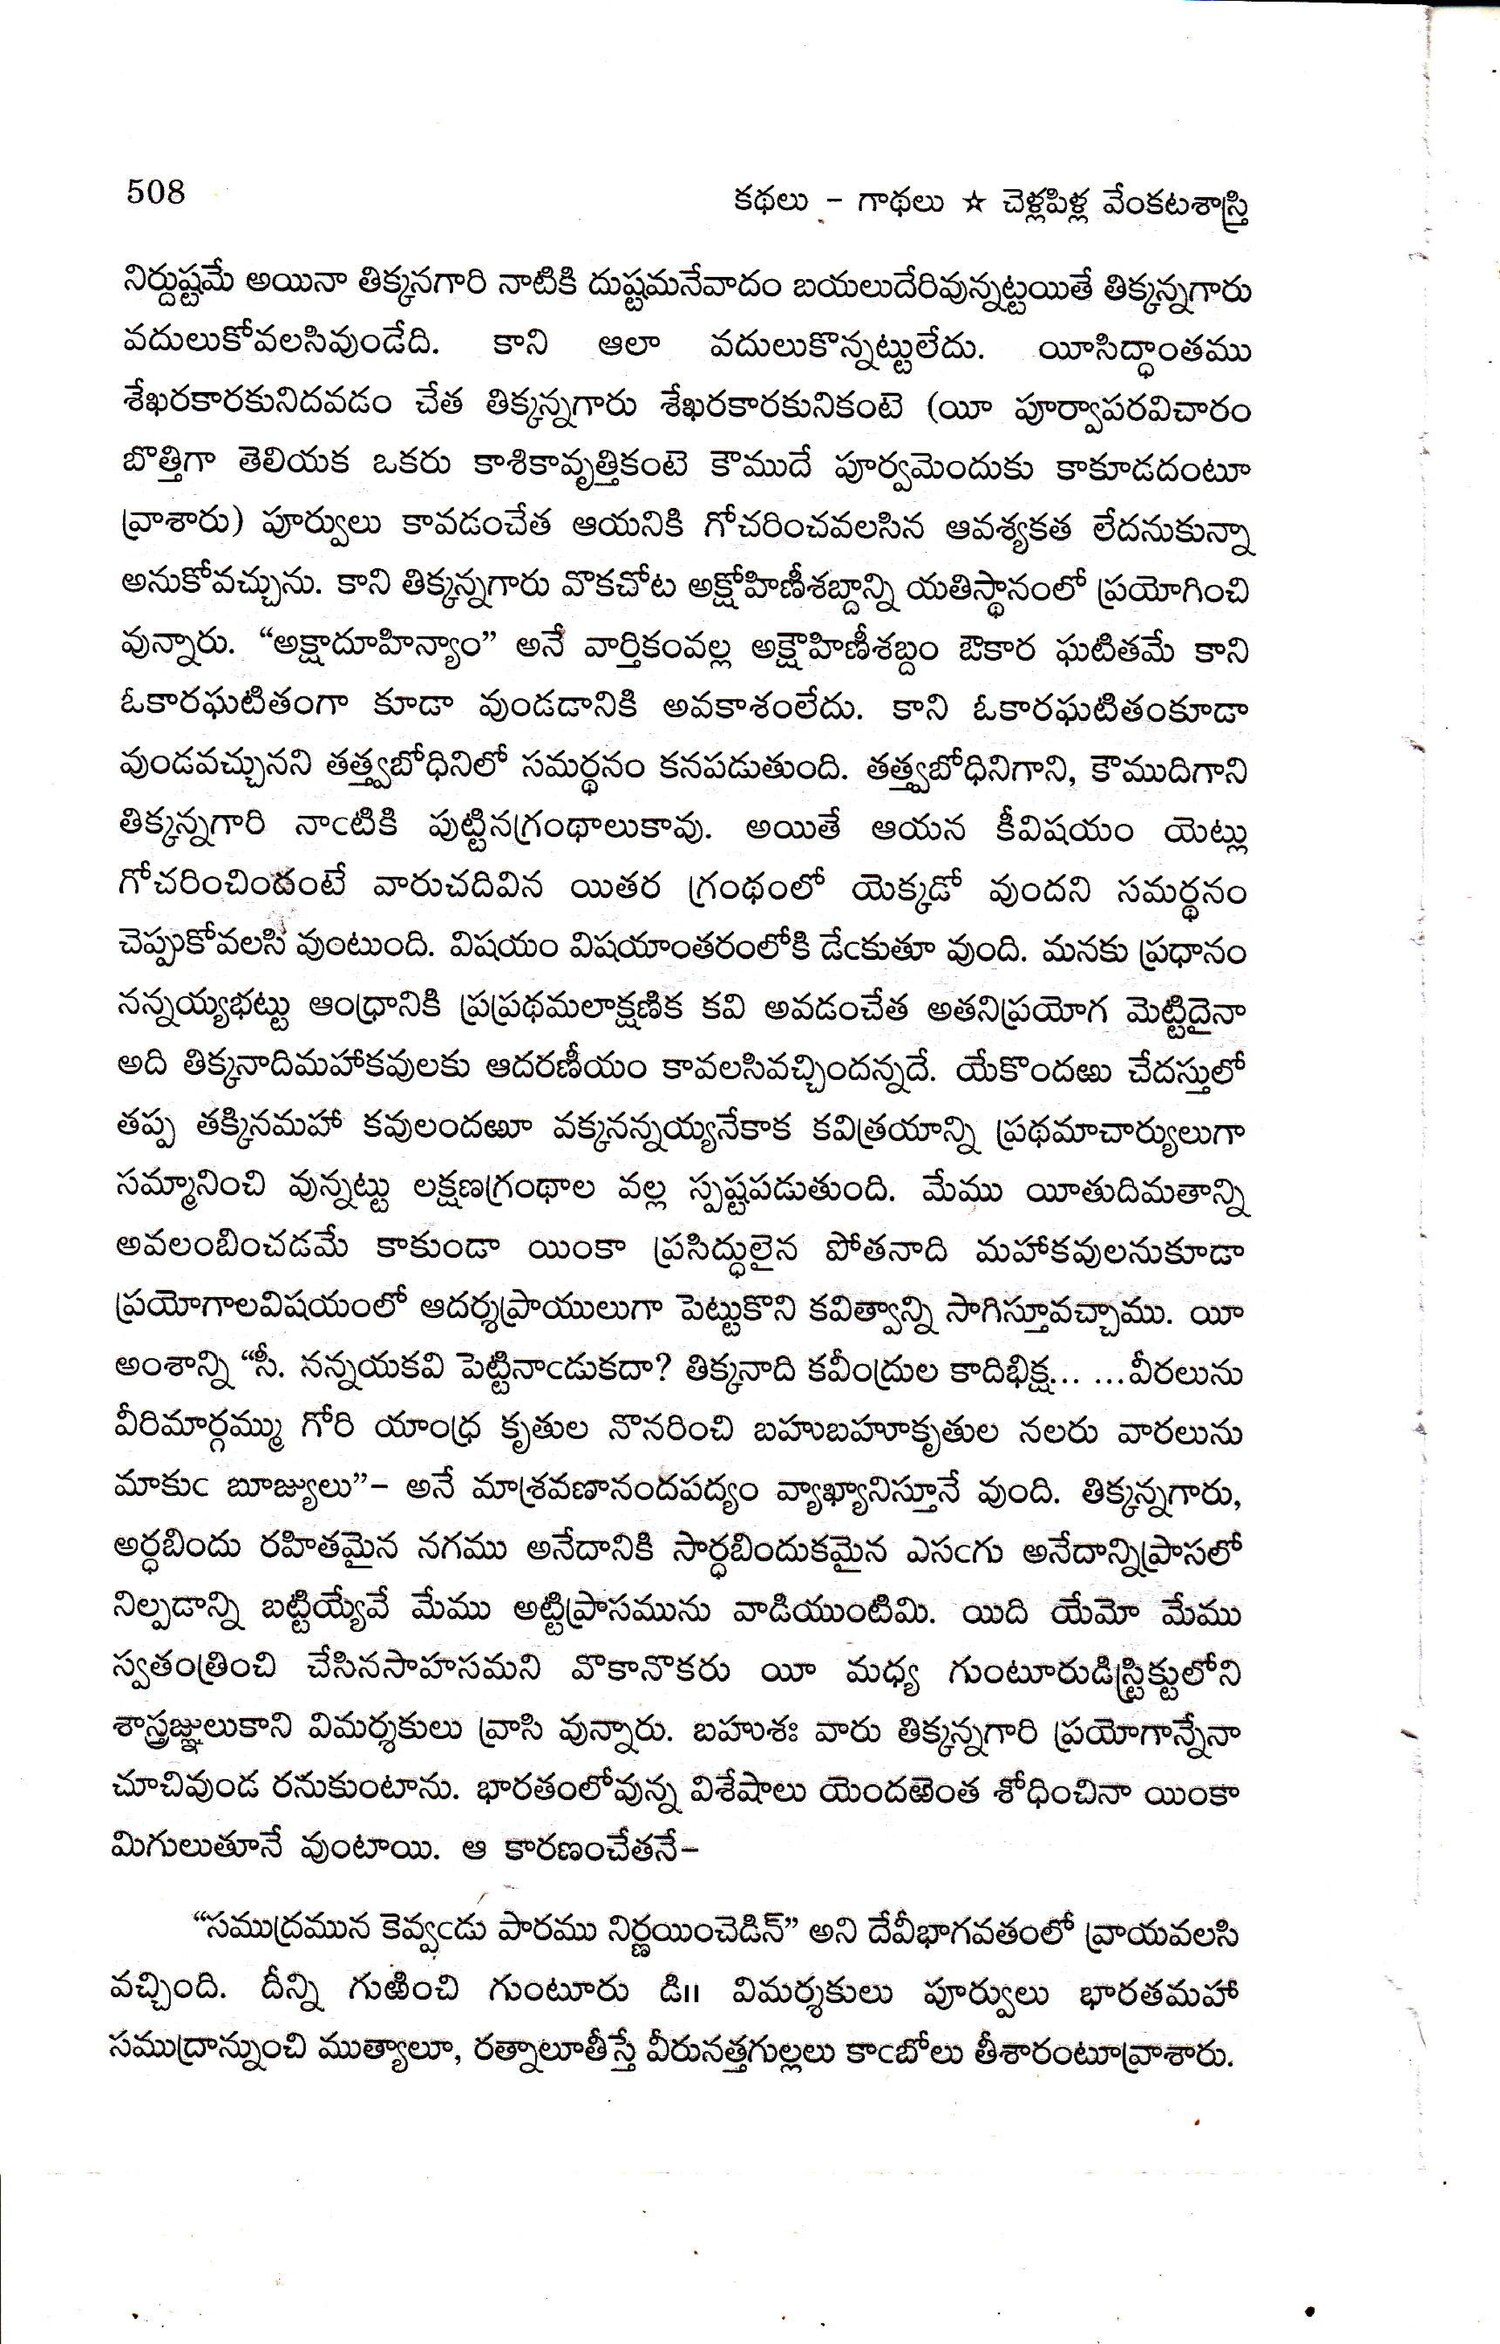నిర్దుష్టమే అయినా తిక్కనగారి నాటికి దుష్టమనేవాదం బయలుదేరివున్నట్టయితే తిక్కన్నగారు వదులుకోవలసివుండేది. కాని ఆలా వదులుకొన్నట్టులేదు. యీసిద్ధాంతము శేఖరకారకునిదవడం చేత తిక్కన్నగారు శేఖరకారకునికంటె (యీ పూర్వాపరవిచారం బొత్తిగా తెలియక ఒకరు కాశికావృత్తికంటె కౌముదే పూర్వమెందుకు కాకూడదంటూ వ్రాశారు) పూర్వులు కావడంచేత ఆయనికి గోచరించవలసిన ఆవశ్యకత లేదనుకున్నా అనుకోవచ్చును. కాని తిక్కన్నగారు వొకచోట అక్షోహిణీశబ్దాన్ని యతిస్థానంలో ప్రయోగించి వున్నారు. “అక్షాదూహిన్యాం" అనే వార్తికంవల్ల అక్షౌహిణీశబ్దం ఔకార ఘటితమే కాని ఓకారఘటితంగా కూడా వుండడానికి అవకాశంలేదు. కాని ఓకారఘటితంకూడా వుండవచ్చునని తత్త్వబోధినిలో సమర్ధనం కనపడుతుంది. తత్త్వబోధినిగాని, కౌముదిగాని తిక్కన్నగారి నాఁటికి పుట్టినగ్రంథాలుకావు. అయితే ఆయన కీవిషయం యెట్లు గోచరించిందంటే వారుచదివిన యితర గ్రంథంలో యెక్కడో వుందని సమర్ధనం చెప్పుకోవలసి వుంటుంది. విషయం విషయాంతరంలోకి డేఁకుతూ వుంది. మనకు ప్రధానం నన్నయ్యభట్టు ఆంధ్రానికి ప్రప్రథమలాక్షణిక కవి అవడంచేత అతనిప్రయోగ మెట్టిదైనా అది తిక్కనాదిమహాకవులకు ఆదరణీయం కావలసివచ్చిందన్నదే. యేకొందఱు చేదస్తులో తప్ప తక్కినమహా కవులందఱూ వక్కనన్నయ్యనేకాక కవిత్రయాన్ని ప్రథమాచార్యులుగా సమ్మానించి వున్నట్టు లక్షణగ్రంథాల వల్ల స్పష్టపడుతుంది. మేము యీతుదిమతాన్ని అవలంబించడమే కాకుండా యింకా ప్రసిద్దులైన పోతనాది మహాకవులనుకూడా ప్రయోగాలవిషయంలో ఆదర్శప్రాయులుగా పెట్టుకొని కవిత్వాన్ని సాగిస్తూవచ్చాము. యీ అంశాన్ని"సీ. నన్నయకవి పెట్టినాఁడుకదా? తిక్కనాది కవీంద్రుల కాదిభిక్ష.. ...వీరలును వీరిమార్గమ్ము గోరి యాంధ్ర కృతుల నొనరించి బహుబహూకృతుల నలరు వారలును మాకుఁ బూజ్యులు"- అనే మాశ్రవణానందపద్యం వ్యాఖ్యానిస్తూనే వుంది. తిక్కన్నగారు, అర్థబిందు రహితమైన నగము అనేదానికి సార్థబిందుకమైన ఎసఁగు అనేదాన్నిప్రాసలో నిల్పడాన్ని బట్టియ్యేవే మేము అట్టిప్రాసమును వాడియుంటిమి. యిది యేమో మేము స్వతంత్రించి చేసినసాహసమని వొకానొకరు యీ మధ్య గుంటూరుడిస్ట్రిక్టులోని శాస్త్రజ్ఞులుకాని విమర్శకులు వ్రాసి వున్నారు. బహుశః వారు తిక్కన్నగారి ప్రయోగాన్నేనా చూచివుండ రనుకుంటాను. భారతంలోవున్న విశేషాలు యెందఱెంత శోధించినా యింకా మిగులుతూనే వుంటాయి. ఆ కారణంచేతనే-

"సముద్రమున కెవ్వఁడు పారము నిర్ణయించెడిన్" అని దేవీభాగవతంలో వ్రాయవలసి వచ్చింది. దీన్ని గుఱించి గుంటూరు డి|| విమర్శకులు పూర్వులు భారతమహా సముద్రాన్నుంచి ముత్యాలూ, రత్నాలూతీస్తే వీరునత్తగుల్లలు కాఁబోలు తీశారంటూవ్రాశారు.